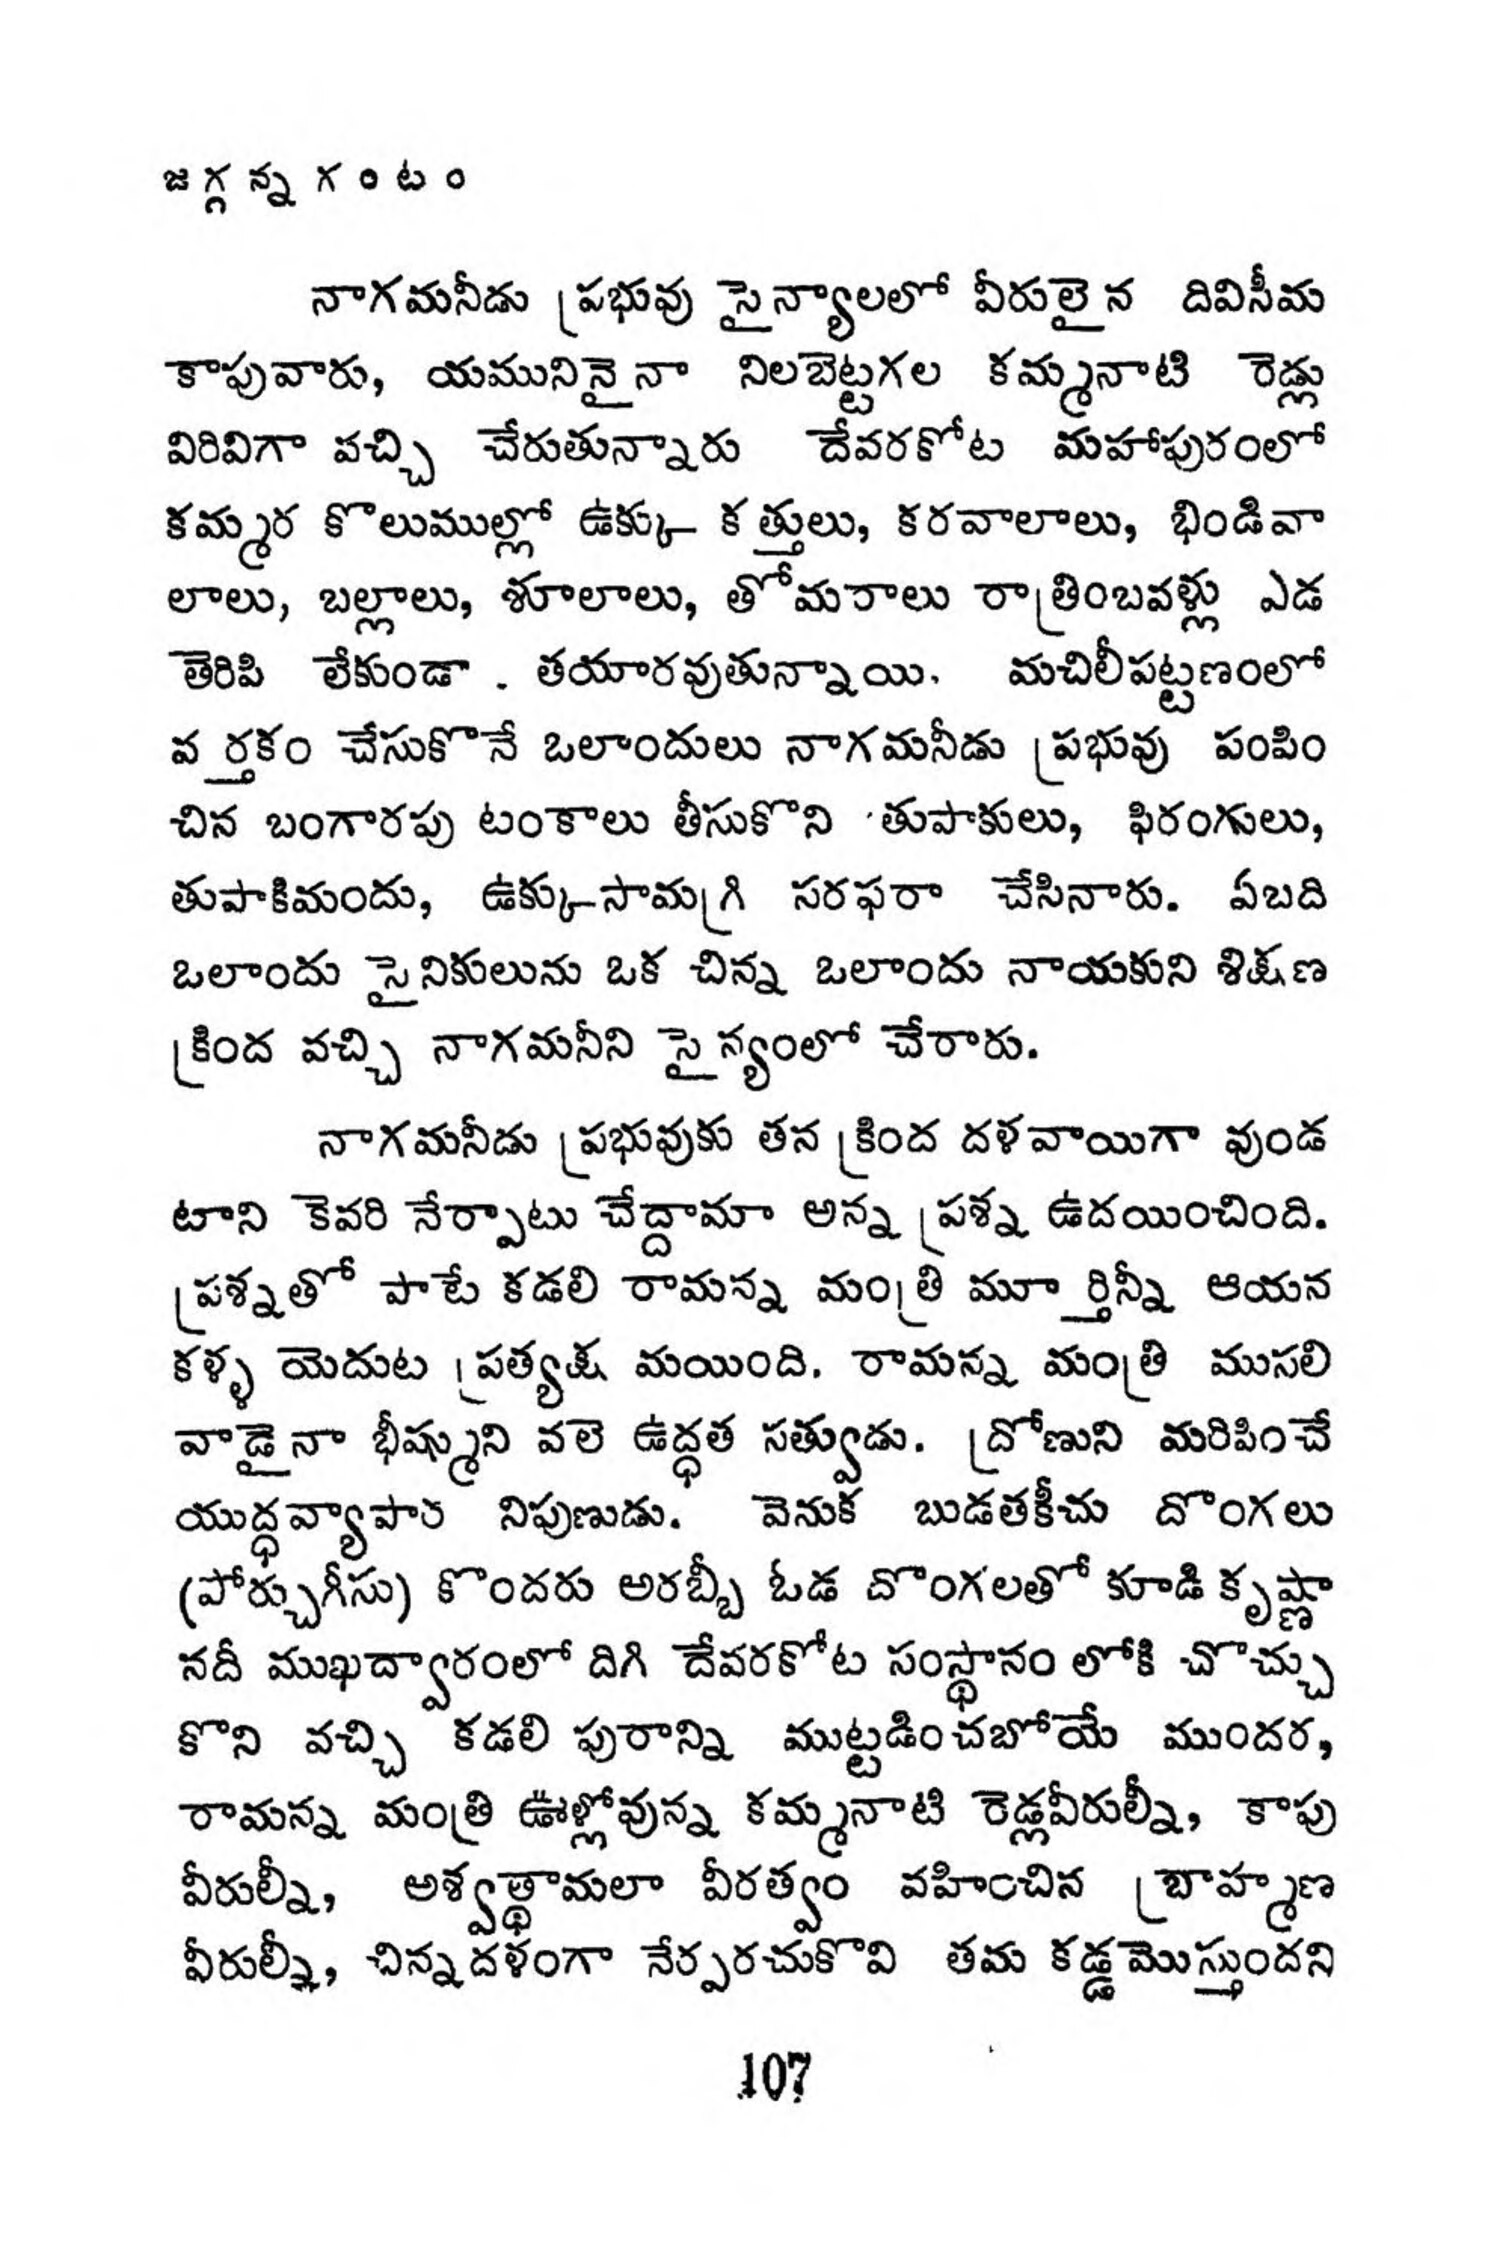నాగమనీడు ప్రభువు సైన్యాలలో వీరులైన దివిసీమ కాపువారు, యమునినైనా నిలబెట్టగల కమ్మనాటి రెడ్లు విరివిగా వచ్చి చేరుతున్నారు. దేవరకోట మహాపురంలో కమ్మర కొలుముల్లో ఉక్కు కత్తులు, కరవాలాలు, భిండివాలాలు, బల్లాలు, శూలాలు, తోమరాలు రాత్రింబవళ్లు ఎడతెరిపి లేకుండా తయారవుతున్నాయి. మచిలీపట్టణంలో వర్తకం చేసుకొనే ఒలాందులు నాగమనీడు ప్రభువు పంపించిన బంగారపు టంకాలు తీసుకొని తుపాకులు, ఫిరంగులు, తుపాకిమందు, ఉక్కుసామగ్రి సరఫరా చేసినారు. ఏబది ఒలాందు సైనికులును ఒక చిన్న ఒలాందు నాయకుని శిక్షణ క్రింద వచ్చి నాగమనీని సైన్యంలో చేరారు.

నాగమనీడు ప్రభువుకు తన క్రింద దళవాయిగా వుండటాని కెవరి నేర్పాటు చేద్దామా అన్న ప్రశ్న ఉదయించింది. ప్రశ్నతో పాటే కడలి రామన్న మంత్రి మూర్తిన్నీ ఆయన కళ్ళ యెదుట ప్రత్యక్ష మయింది. రామన్న మంత్రి ముసలి వాడైనా భీష్ముని వలె ఉద్ధత సత్వుడు. ద్రోణుని మరిపించే యుద్ధవ్యాపార నిపుణుడు. వెనుక బుడతకీచు దొంగలు (పోర్చుగీసు) కొందరు అరబ్బీ ఓడ దొంగలతో కూడి కృష్ణానదీ ముఖద్వారంలో దిగి దేవరకోట సంస్థానంలోకి చొచ్చుకొని వచ్చి కడలి పురాన్ని ముట్టడించబోయే ముందర, రామన్న మంత్రి ఊళ్లోవున్న కమ్మనాటి రెడ్లవీరుల్నీ, కాపువీరుల్నీ, అశ్వత్థామలా వీరత్వం వహించిన బ్రాహ్మణ వీరుల్నీ, చిన్నదళంగా నేర్పరచుకొని తమ కడ్డమొస్తుందని